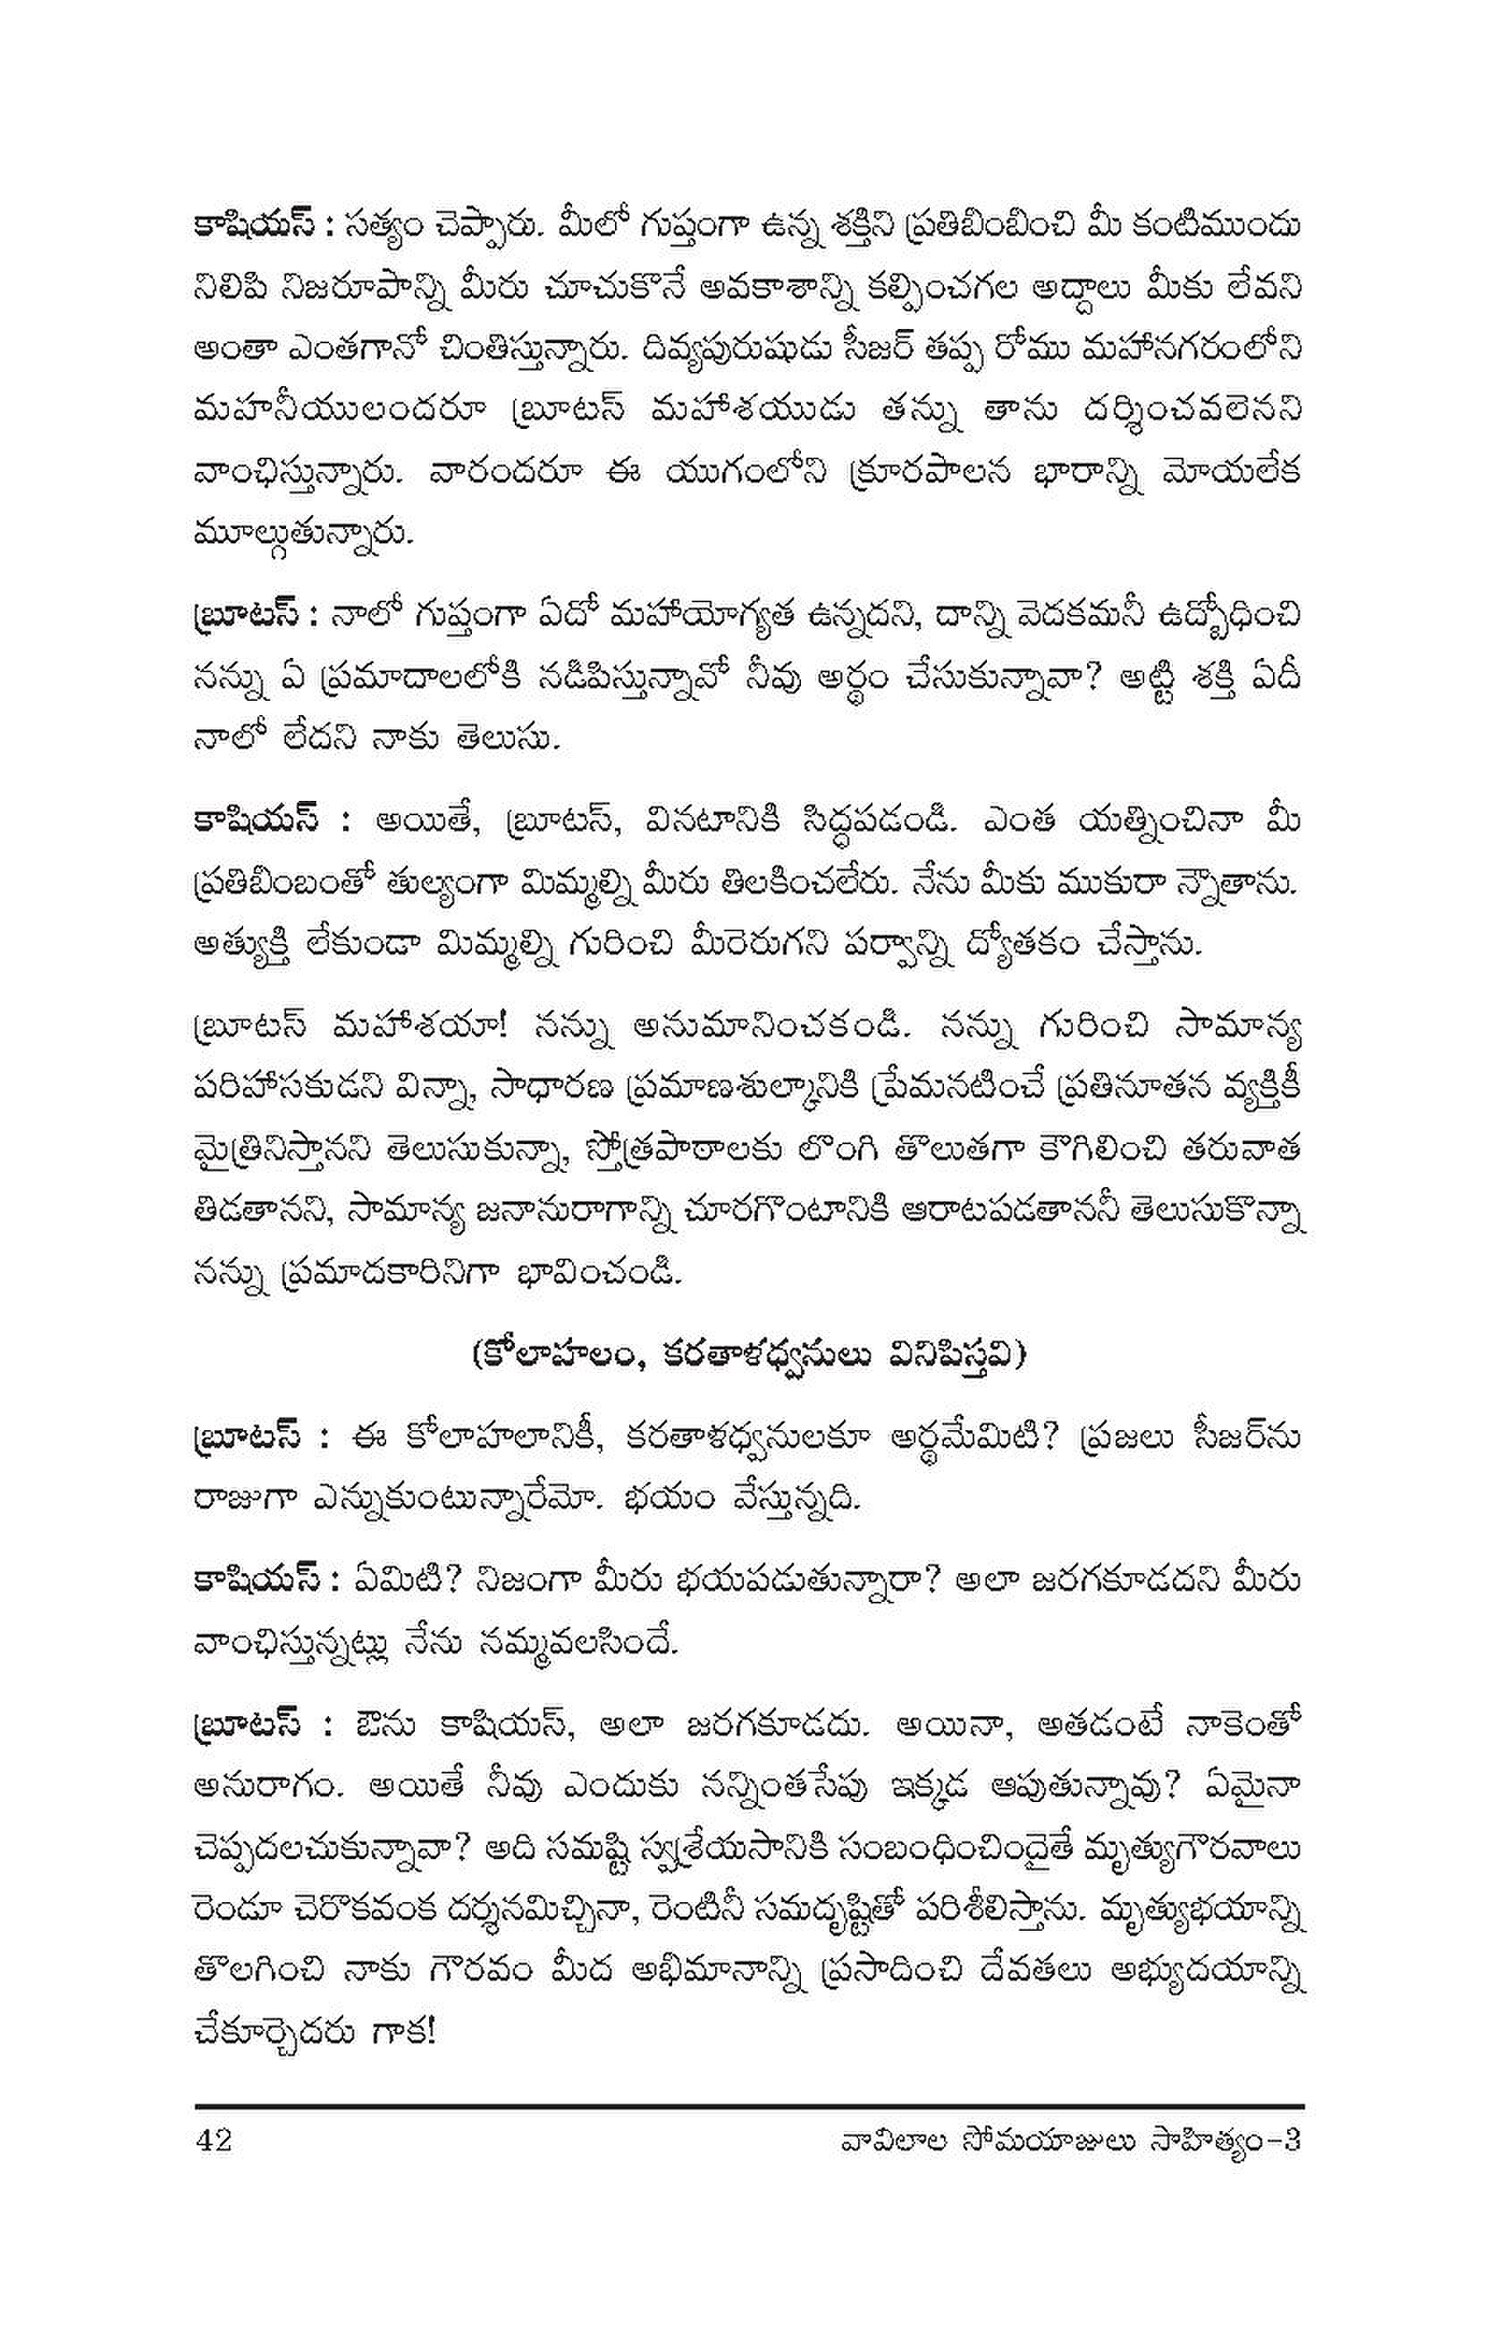కాషియస్ : సత్యం చెప్పారు. మీలో గుప్తంగా ఉన్న శక్తిని ప్రతిబింబించి మీ కంటిముందు నిలిపి నిజరూపాన్ని మీరు చూచుకొనే అవకాశాన్ని కల్పించగల అద్దాలు మీకు లేవని అంతా ఎంతగానో చింతిస్తున్నారు. దివ్యపురుషుడు సీజర్ తప్ప రోము మహానగరంలోని మహనీయులందరూ బ్రూటస్ మహాశయుడు తన్ను తాను దర్శించవలెనని వాంఛిస్తున్నారు. వారందరూ ఈ యుగంలోని క్రూరపాలన భారాన్ని మోయలేక మూల్గుతున్నారు.

బ్రూటస్ : నాలో గుప్తంగా ఏదో మహాయోగ్యత ఉన్నదని, దాన్ని వెదకమనీ ఉద్బోధించి నన్ను ఏ ప్రమాదాలలోకి నడిపిస్తున్నావో నీవు అర్థం చేసుకున్నావా? అట్టి శక్తి ఏదీ నాలో లేదని నాకు తెలుసు.

కాషియస్ : అయితే, బ్రూటస్, వినటానికి సిద్ధపడండి. ఎంత యత్నించినా మీ ప్రతిబింబంతో తుల్యంగా మిమ్మల్ని మీరు తిలకించలేరు. నేను మీకు ముకురా న్నౌతాను. అత్యుక్తి లేకుండా మిమ్మల్ని గురించి మీరెరుగని పర్వాన్ని ద్యోతకం చేస్తాను.

బ్రూటస్ మహాశయా! నన్ను అనుమానించకండి. నన్ను గురించి సామాన్య పరిహాసకుడని విన్నా, సాధారణ ప్రమాణ శుల్కానికి ప్రేమనటించే ప్రతినూతన వ్యక్తికీ మైత్రినిస్తానని తెలుసుకున్నా, స్తోత్రపాఠాలకు లొంగి తొలుతగా కౌగిలించి తరువాత తిడతానని, సామాన్య జనానురాగాన్ని చూరగొంటానికి ఆరాటపడతాననీ తెలుసుకొన్నా నన్ను ప్రమాదకారినిగా భావించండి.

బ్రూటస్ : ఈ కోలాహలానికీ, కరతాళధ్వనులకూ అర్థమేమిటి? ప్రజలు సీజర్ ను రాజుగా ఎన్నుకుంటున్నారేమో. భయం వేస్తున్నది.

కాషియస్ : ఏమిటి? నిజంగా మీరు భయపడుతున్నారా? అలా జరగకూడదని మీరు వాంఛిస్తున్నట్లు నేను నమ్మవలసిందే.

బ్రూటస్ : ఔను కాషియస్, అలా జరగకూడదు. అయినా, అతడంటే నాకెంతో అనురాగం. అయితే నీవు ఎందుకు నన్నింతసేపు ఇక్కడ ఆపుతున్నావు? ఏమైనా చెప్పదలచుకున్నావా? అది సమష్టి స్వశ్రేయసానికి సంబంధించిందైతే మృత్యుగౌరవాలు రెండూ చెరొకవంక దర్శనమిచ్చినా, రెంటినీ సమదృష్టితో పరిశీలిస్తాను. మృత్యుభయాన్ని తొలగించి నాకు గౌరవం మీద అభిమానాన్ని ప్రసాదించి దేవతలు అభ్యుదయాన్ని చేకూర్చెదరు గాక!